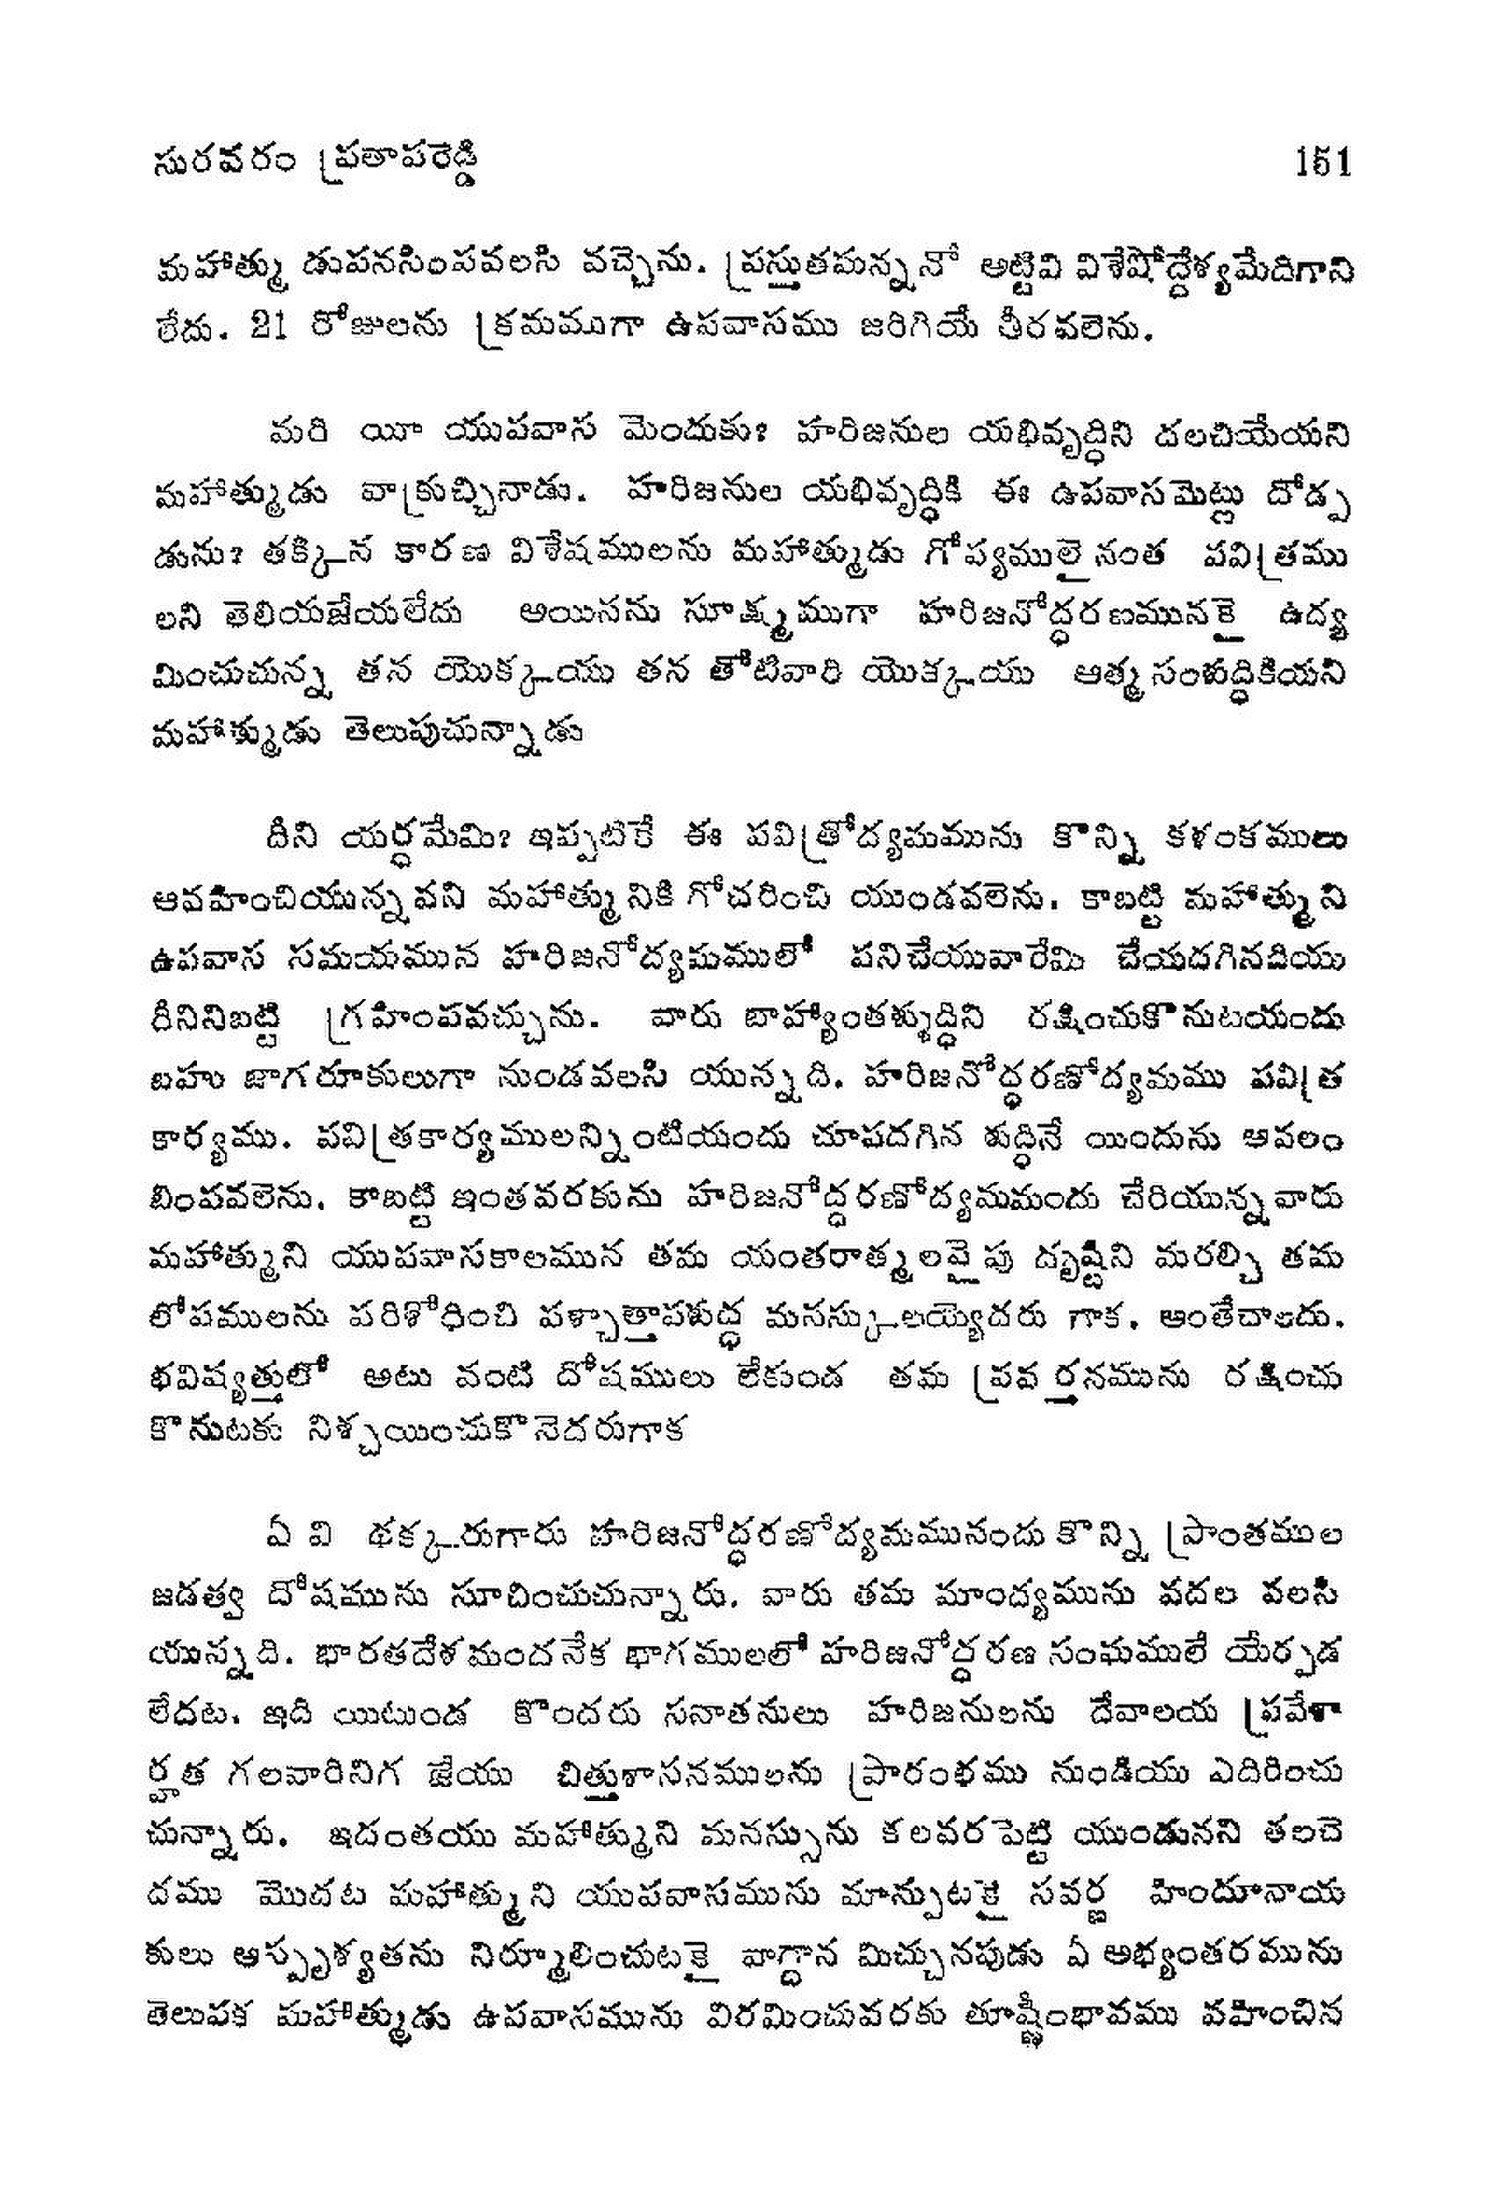మహాత్ము డుపవసింపవలసి వచ్చెను. ప్రస్తుతమన్ననో అట్టివి విశేషోద్దేశ్యమేదిగాని లేదు. 21 రోజులను క్రమముగా ఉపవాసము జరిగియే తీరవలెను.

మరి యీ యుపవాస మెందుకు? హరిజనుల యభివృద్ధిని దలచియేయని మహాత్ముడు వాక్రుచ్చినాడు. హరిజనుల యభివృద్ధికి ఈ ఉపవాసమెట్లు దోడ్పడును? తక్కిన కారణ విశేషములను మహాత్ముడు గోప్యములైనంత పవిత్రములని తెలియజేయలేదు అయినను సూక్ష్మముగా హరిజనోద్ధరణమునకై ఉద్యమించుచున్న తన యొక్కయు తన తోటివారి యొక్కయు ఆత్మ సంశుద్ధికియని మహాత్ముడు తెలుపుచున్నాడు

దీని యర్ధమేమి? ఇప్పటికే ఈ పవిత్రోద్యమమును కొన్ని కళంకములు ఆవహించియున్నవని మహాత్మునికి గోచరించి యుండవలెను. కాబట్టి మహాత్ముని ఉపవాస సమయమున హరిజనోద్యమములో పనిచేయువారేమి చేయదగినదియు దీనినిబట్టి గ్రహింపవచ్చును. వారు బాహ్యాంతశ్శుద్ధిని రక్షించుకొనుటయందు బహు జాగరూకులుగా నుండవలసి యున్నది. హరిజనోద్ధరణోద్యమము పవిత్ర కార్యము. పవిత్రకార్యములన్నింటియందు చూపదగిన శుద్ధినే యిందును అవలంబింపవలెను. కాబట్టి ఇంతవరకును హరిజనోద్ధరణోద్యమమందు చేరియున్నవారు మహాత్ముని యుపవాసకాలమున తమ యంతరాత్మలవైపు దృష్టిని మరల్చి తమ లోపములను పరిశోధించి పశ్చాత్తాపశుద్ధ మనస్కులయ్యెదరు గాక, అంతేచాలదు. భవిష్యత్తులో అటు వంటి దోషములు లేకుండ తమ ప్రవర్తనమును రక్షించుకొనుటకు నిశ్చయించుకొనెదరుగాక

ఏ వి థక్కరుగారు హరిజనోద్ధరణోద్యమమునందు కొన్ని ప్రాంతముల జడత్వ దోషమును సూచించుచున్నారు. వారు తమ మాంద్యమును వదల వలసి యున్నది. భారతదేశమందనేక భాగములలో హరిజనోద్ధరణ సంఘములే యేర్పడ
లేదట. ఇది యిటుండ కొందరు సనాతనులు హరిజనులను దేవాలయ ప్రవేశార్హత గలవారినిగ జేయు చిత్తుశాసనములను ప్రారంభము నుండియు ఎదిరించు చున్నారు. ఇదంతయు మహాత్ముని మనస్సును కలవరపెట్టి యుండునని తలచెదము మొదట మహాత్ముని యుపవాసమును మాన్పుటకై సవర్ణ హిందూనాయకులు ఆస్పృశ్యతను నిర్మూలించుటకై వాగ్దాన మిచ్చునపుడు ఏ అభ్యంతరమును తెలుపక మహాత్ముడు ఉపవాసమును విరమించువరకు తూష్టింభావము వహించిన